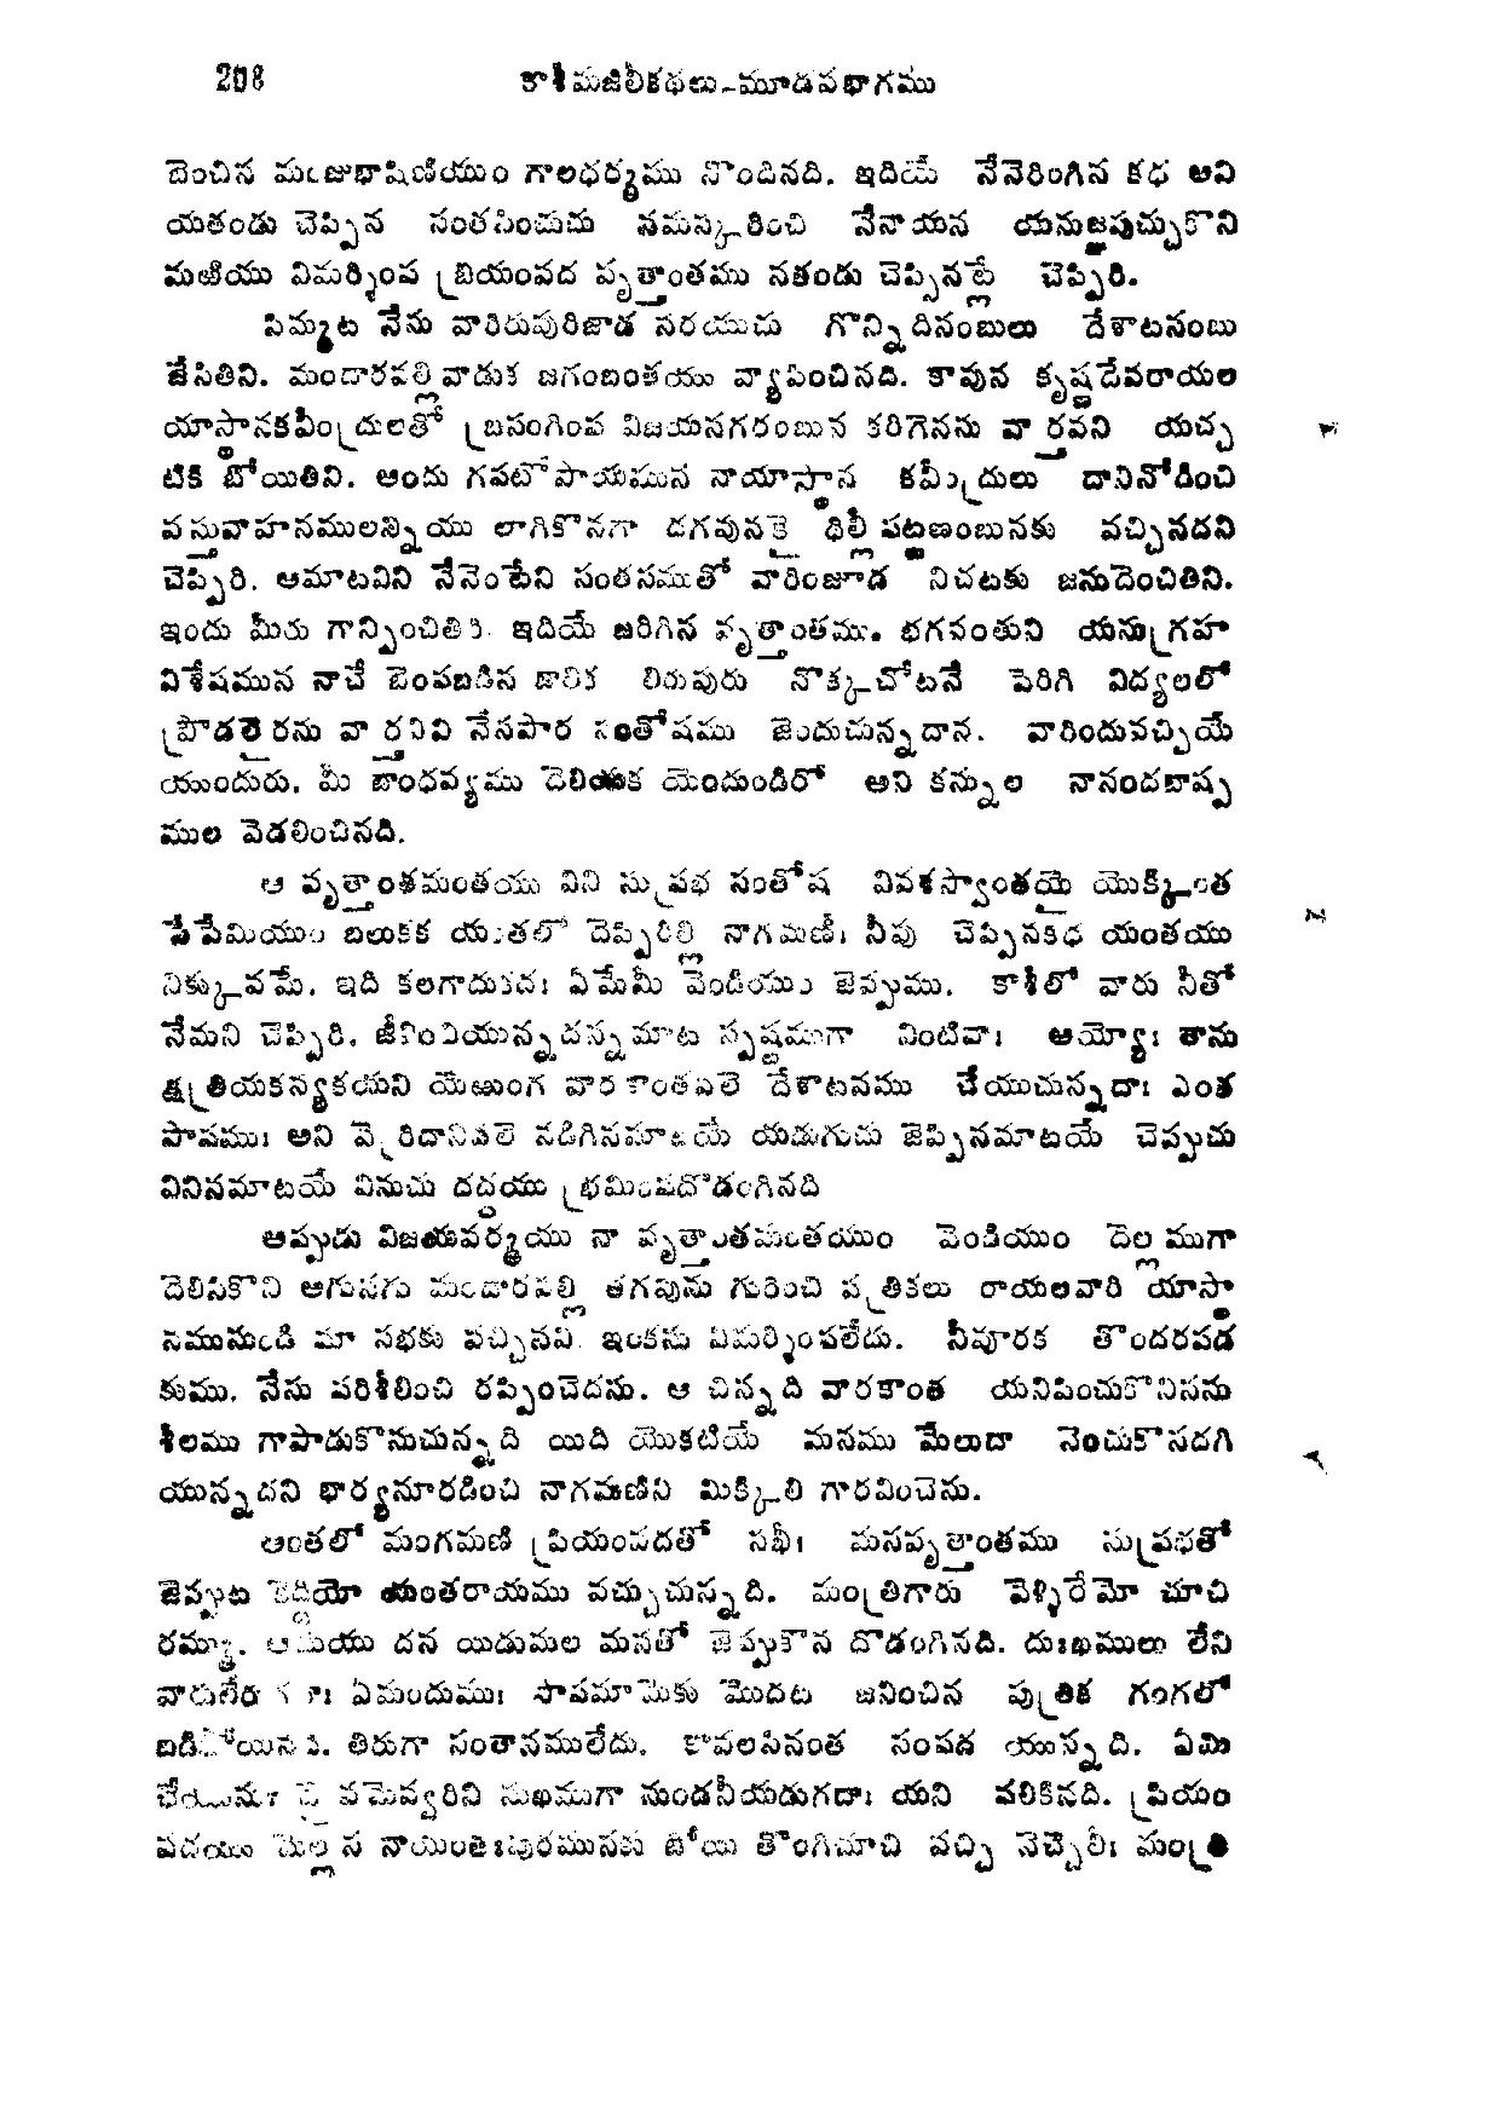బెంచిన మంజుభాషిణియుం గాలధర్మము నొందినది. ఇదియే నేనెరింగిన కథ అని యతండు చెప్పిన సంతసించుచు నమస్కరించి నేనాయన యనుజ్జపుచ్చుకొని మఱియు విమర్శింప బ్రియంవద వృత్తాంతము నతండు చెప్పినట్లే చెప్పిరి.

పిమ్మట నేను వారిరువురిజాడ నరయుచు గొన్ని దినంబులు దేశాటనంబు జేసితిని. మందారవల్లి వాడుక జగంబంతయు వ్యాపించినది. కావున కృష్ణదేవరాయల యాస్థానకవీంద్రులతో బ్రసంగింప విజయనగరంబున కరిగెనను వార్తవని యచ్చటికి బోయితిని. అందు గపటోపాయమున నాయాస్థానకవీంద్రులు దానినోడించి వస్తువాహనములన్నియు లాగికొనగా దగవునకై ఢిల్లీ పట్టణంబునకు వచ్చినదని చెప్పిరి. ఆమాటవిని నేవెంటేని సంతసముతో వారింజూడ నిచటకు జనుదెంచితిని. ఇందు మీరు గాన్పించితిరి. ఇదియే జరిగిన వృత్తాంతము. భగవంతుని యనుగ్రహవిశేషమున నాచే బెంపబడిన బాలిక లిరువురు నొక్కచోటనే పెరిగి విద్యలలో ప్రౌఢలైరను వార్తవిని నేనపారసంతోషము జెందుచున్న దాన. వారిందువచ్చియే యుందురు. మీ బాంధవ్యము దెలియక యెందుండిరో అని కన్నుల నానందబాష్పముల వెడలించినది.

ఆ వృత్తాంతమంతయు విని సుప్రభ సంతోష వివశస్వాంతయై యొక్కింత సేపేమియుం బలుకక యంతలో చెప్పిరిల్లి నాగమణీ! నీవు చెప్పినకధ యంతయు నిక్కువమే. ఇది కలగాదుకద! ఏమేమీ వెండియుం జెప్పుము. కాశీలో వారు నీతో నేమని చెప్పిరి. జీవించియున్నదన్నమాట స్పష్టముగా వింటివా? అయ్యో? తాను క్షత్రియకన్యకయని యెఱుంగ వారకాంతవలె దేశాటనము చేయుచున్న దా? ఎంత పాపము? అని వెర్రిదానివలె నడిగినమాటయే యడుగుచు జెప్పినమాటయే చెప్పుచు వినినమాటయే వినుచు దద్దయు భ్రమింపదొడంగినది

అప్పుడు విజయవర్మయు నా వృత్తాంతమంతయుం వెండియుం దెల్లముగా దెలిసికొని అగునగు మందారవల్లి తగవును గురించి పత్రికలు రాయలవారి యాస్థానమునుండి మా సభకు వచ్చినవి. ఇంకను విమర్శింపలేదు. నీవూరక తొందరపడకుము. నేను పరిశీలించి రప్పించెదను. ఆ చిన్నది వారకాంత యనిపించుకొనినను శీలము గాపాడుకొనుచున్నది. యిది యొకటియే మనము మేలుగా నెంచుకొనదగి యున్నదని భార్య నూరడించి నాగమణిని మిక్కిలి గారవించెను.

అంతలో మంగమణి ప్రియంవదతో సఖీ! మనవృత్తాంతము సుప్రభతో జెప్పుట కెద్దియో యంతరాయము వచ్చుచున్నది. మంత్రిగారు వెళ్ళిరేమో చూచిరమ్ము. ఆమెయు దన యిడుమల మనతో జెప్పుకొన దొడంగినది. దుఃఖములు లేని వారులేరుగదా? ఏమందుము! పాపమామెకు మొదట జనించిన పుత్రిక గంగలో బడిపోయినది. తిరుగా సంతానములేదు. కావలసినంత సంపద యున్నది. ఏమి చేయును? దైవమెవ్వరిని సుఖముగా నుండనీయడుగదా? యని పలికినది. ప్రియంవదయు మెల్లన నాయంతఃపురమునకు బోయి తొంగిచూచి వచ్చి నెచ్చెలీ! మంత్రి